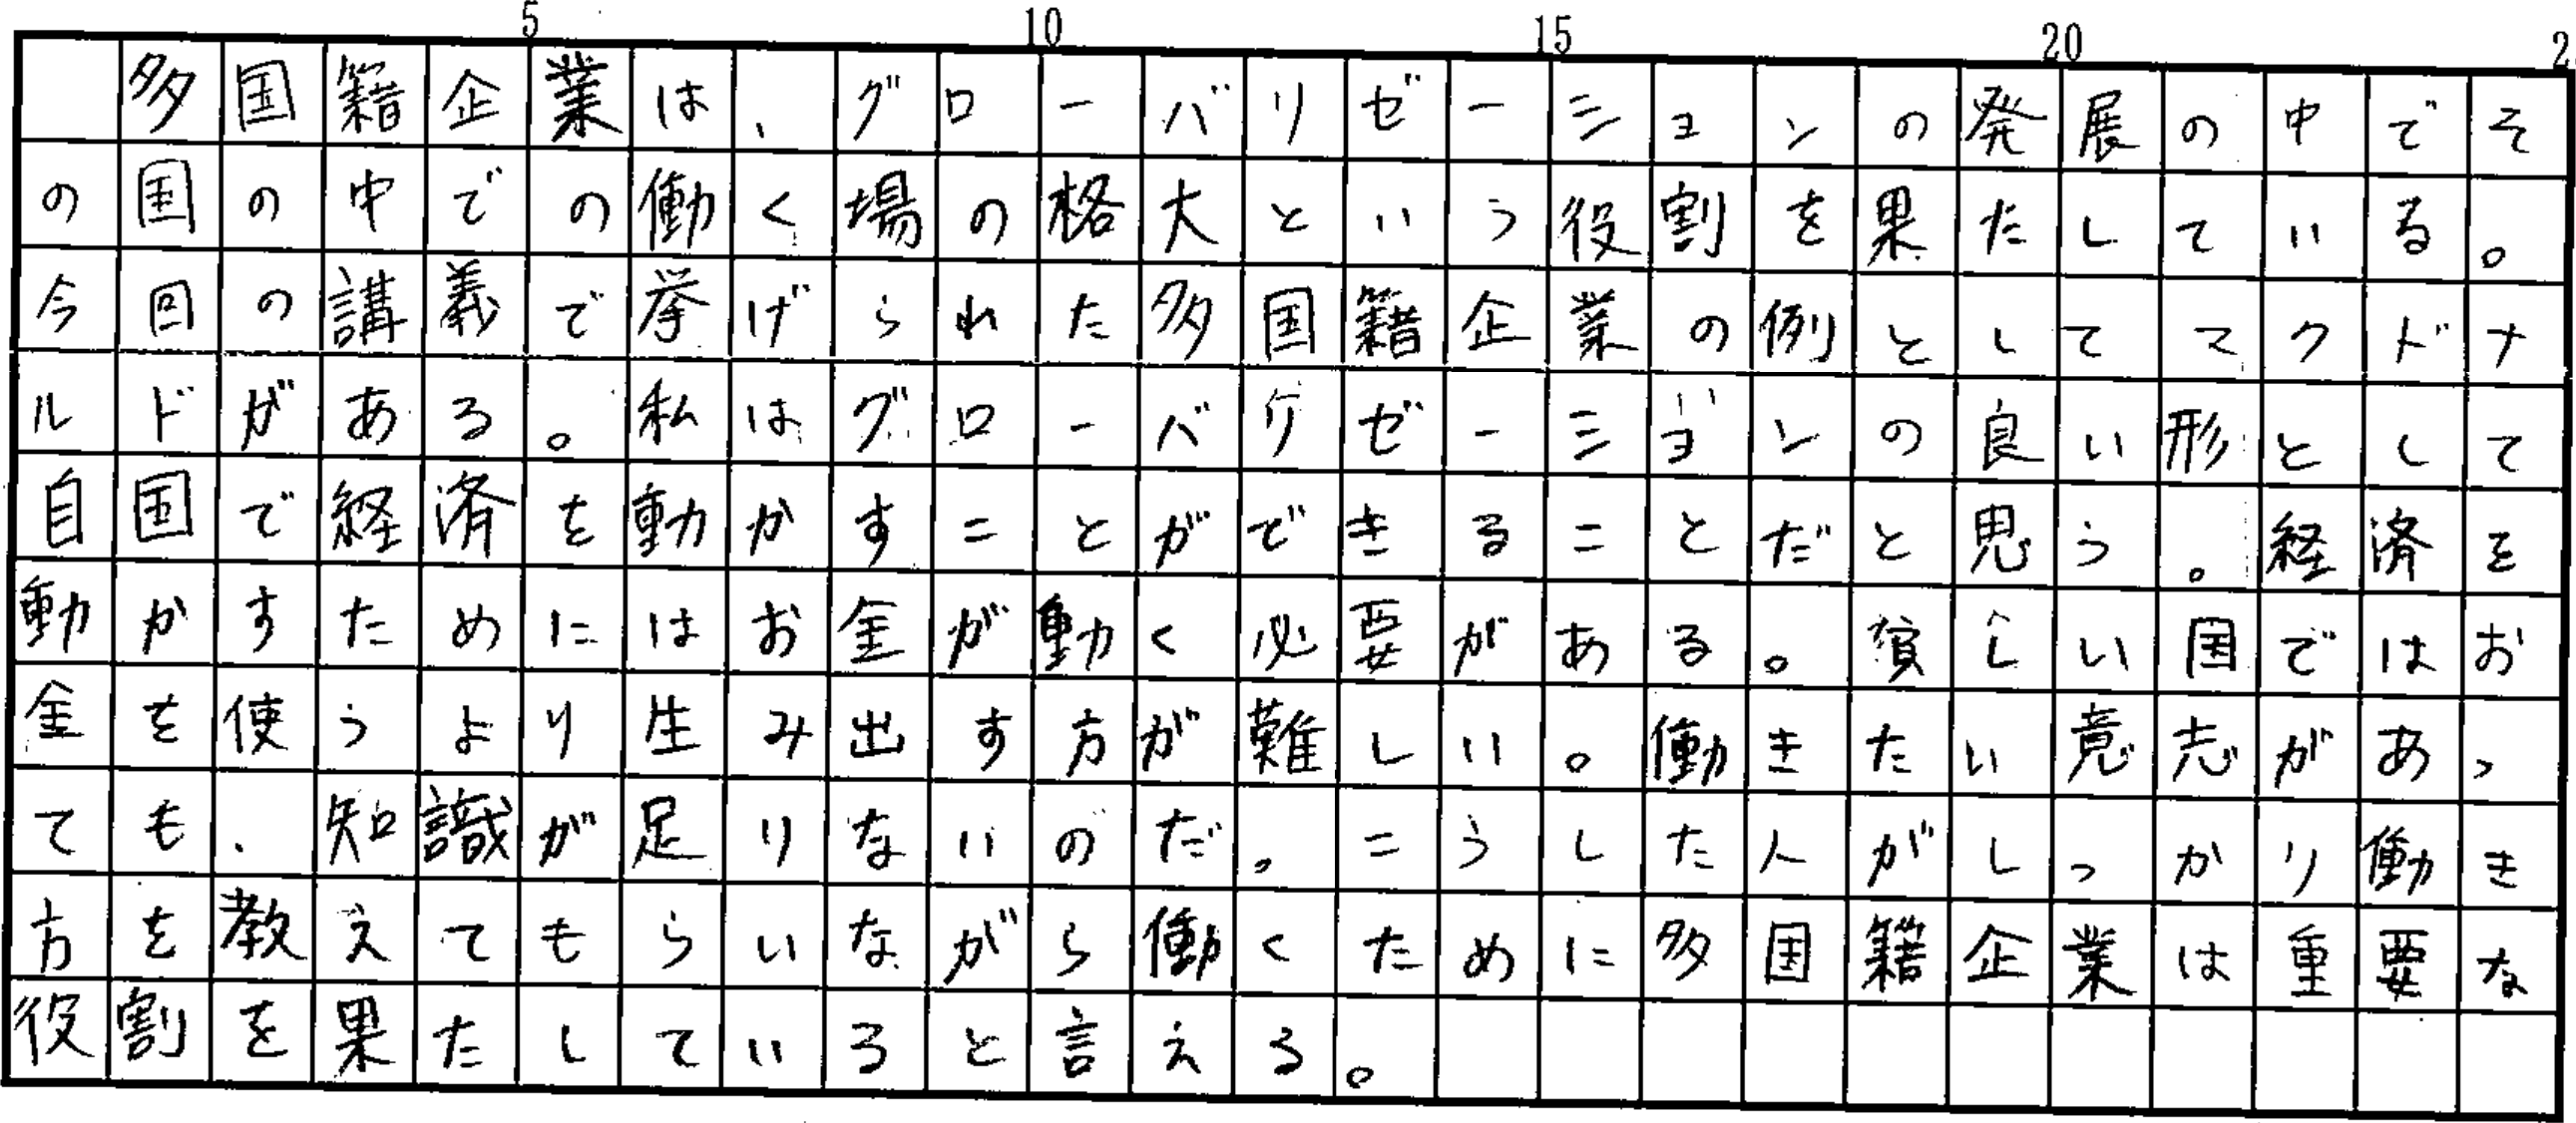　多国籍企業は、グローバリゼーションの発展の中でその国の中での働く場の格大という役割を果たしている。今回の講義で挙げられた多国籍企業の例としてマクドナルドがある。私はグローバリゼーションの良い形として自国で経済を動かすことができることだと思う。経済を動かすためにはお金が動く必要がある。貧しい国ではお金を使うより生み出すほうが難しい。働きたい意志があっても、知識が足りないのだ。こうした人がしっかり働き方を教えてもらいながら働くために多国籍企業は重要な役割を果たしていると言える。
